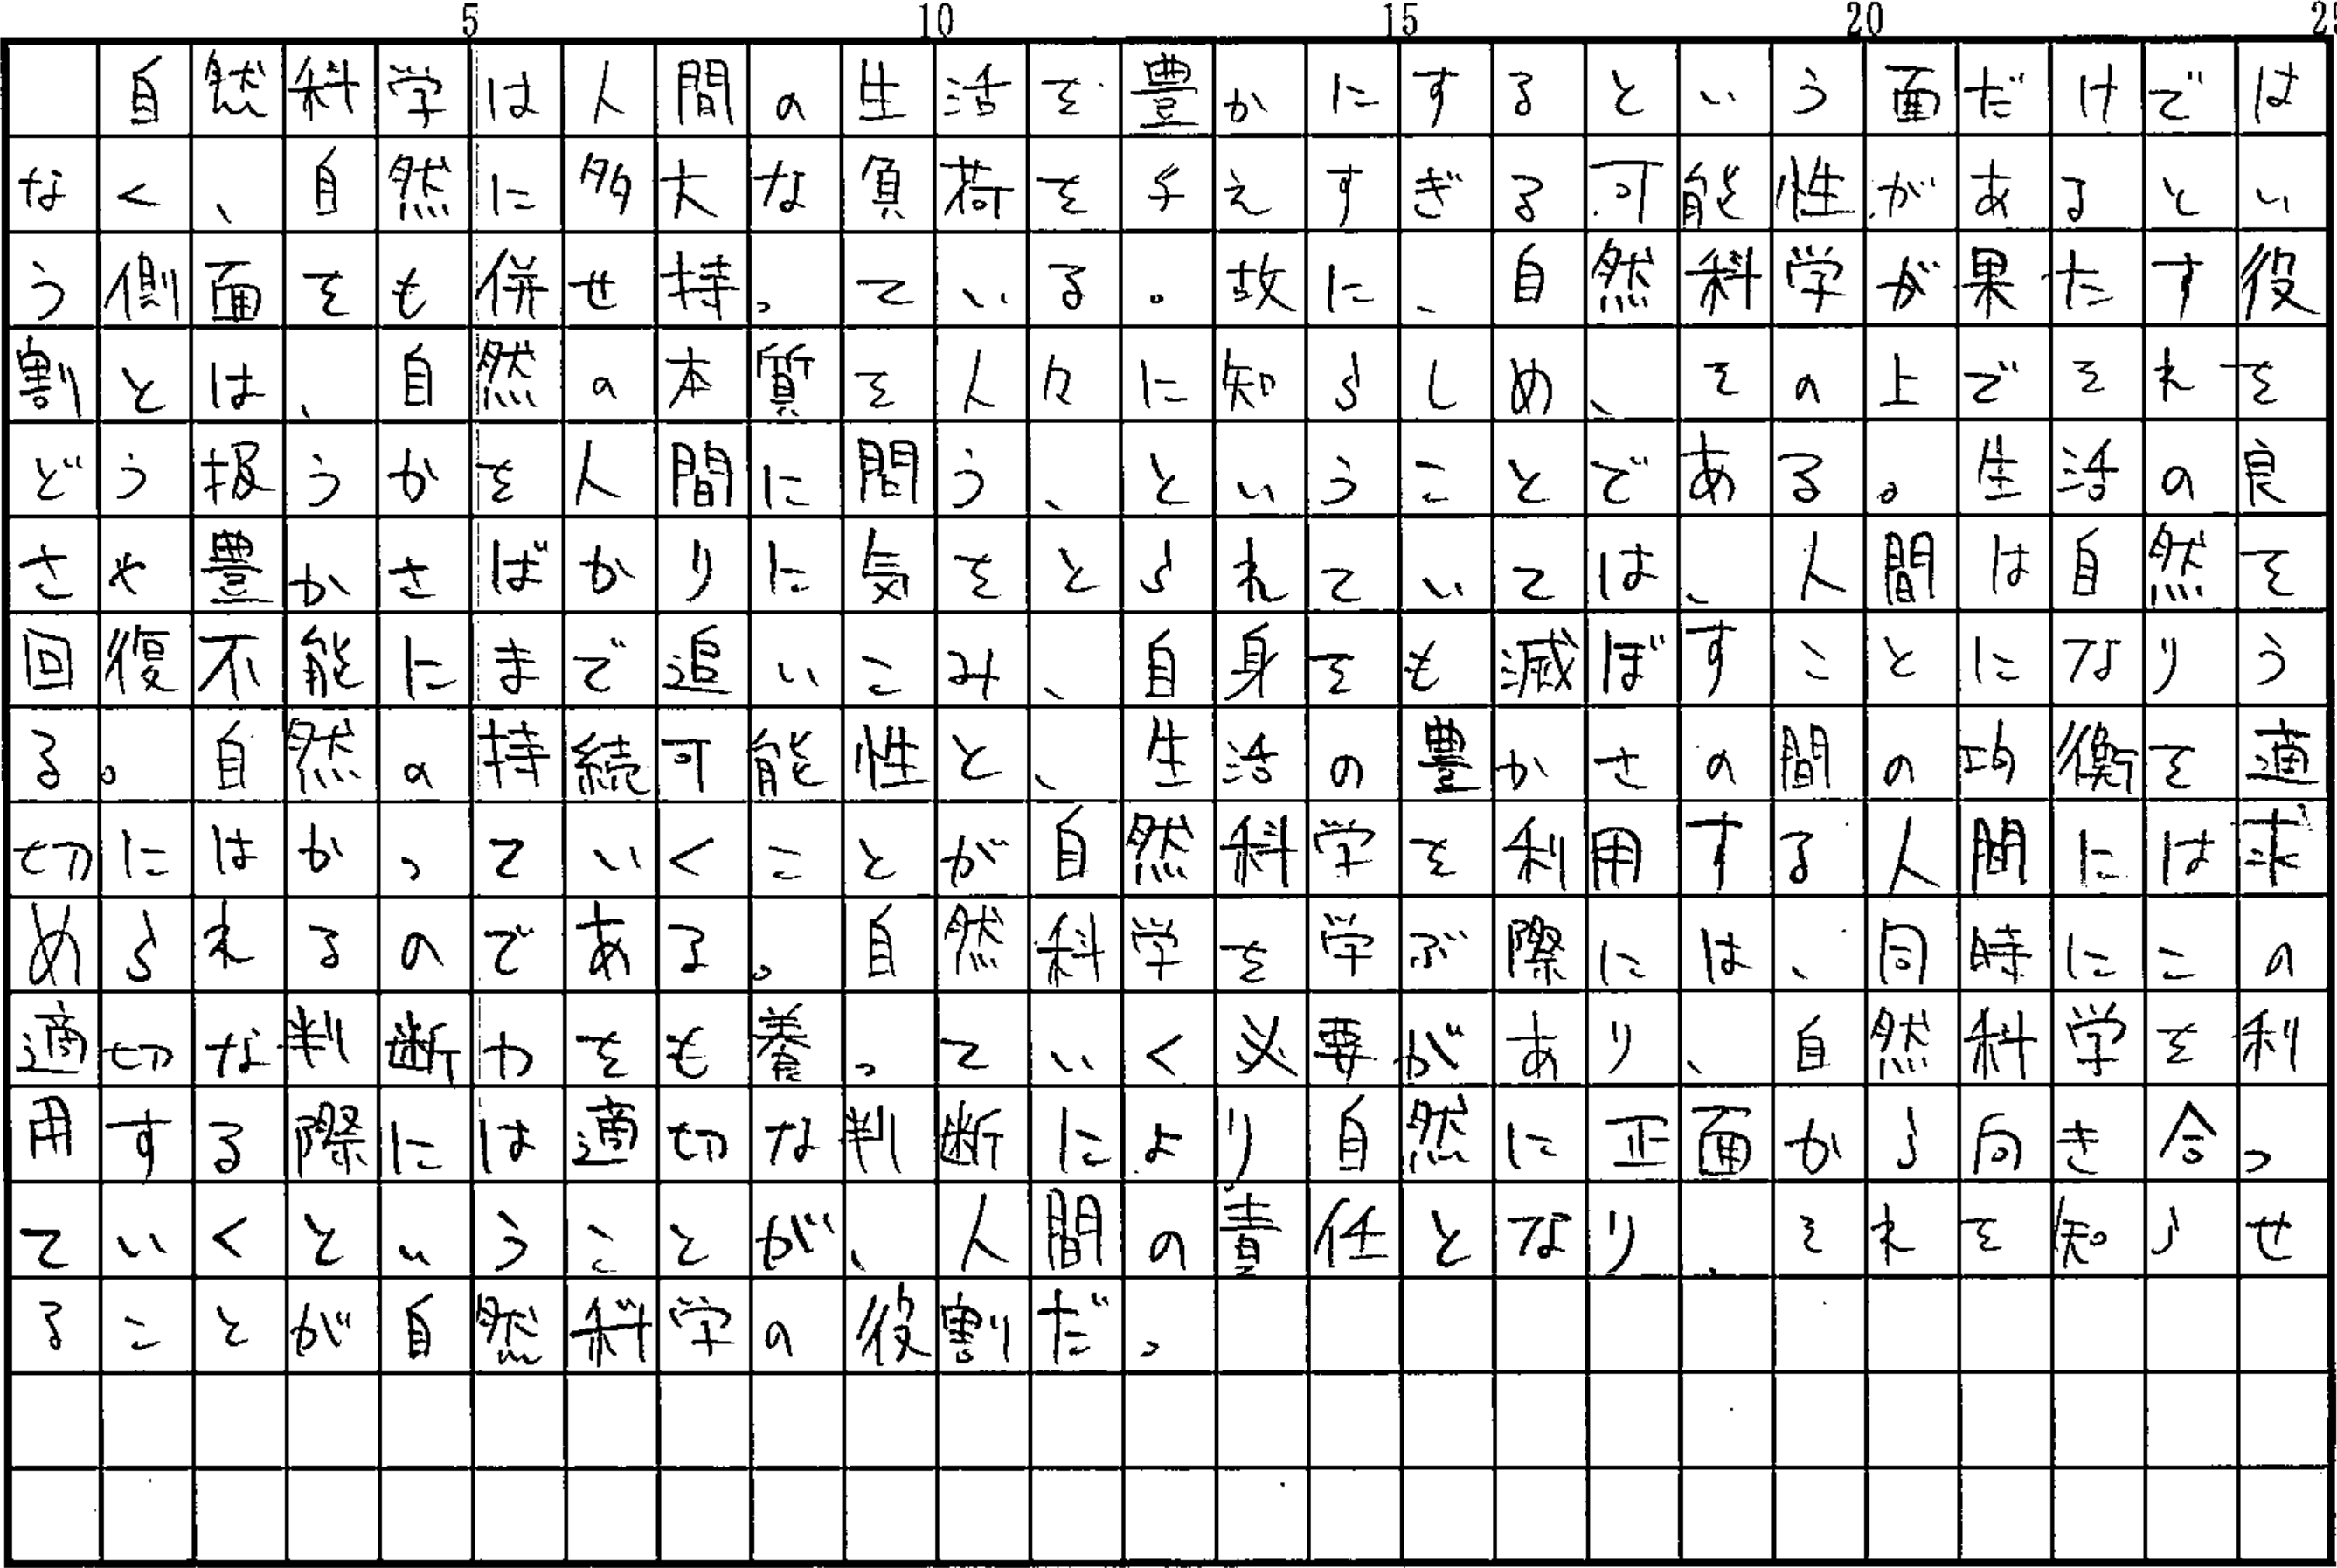　自然科学は人間の生活を豊かにするという面だけではなく、自然に多大な負荷を与えすぎる可能性があるという側面をも併せ持っている。故に、自然科学が果たす役割とは、自然の本質を人々に知らしめ、その上でそれをどう扱うかを人間に問う、ということである。生活の良さや豊かさばかりに気をとられていては、人間は自然を回復不能にまで追いこみ、自身をも滅ぼすことになりうる。自然の持続可能性と、生活の豊かさの間の均衡を適切にはかっていくことが自然科学を利用する人間には求められるのである。自然科学を学ぶ際には、同時にこの適切な判断力をも養っていく必要があり、自然科学を利用する際には適切な判断により自然に正面から向き合っていくということが、人間の責任となり、それを知らせることが自然科学の役割だ。
